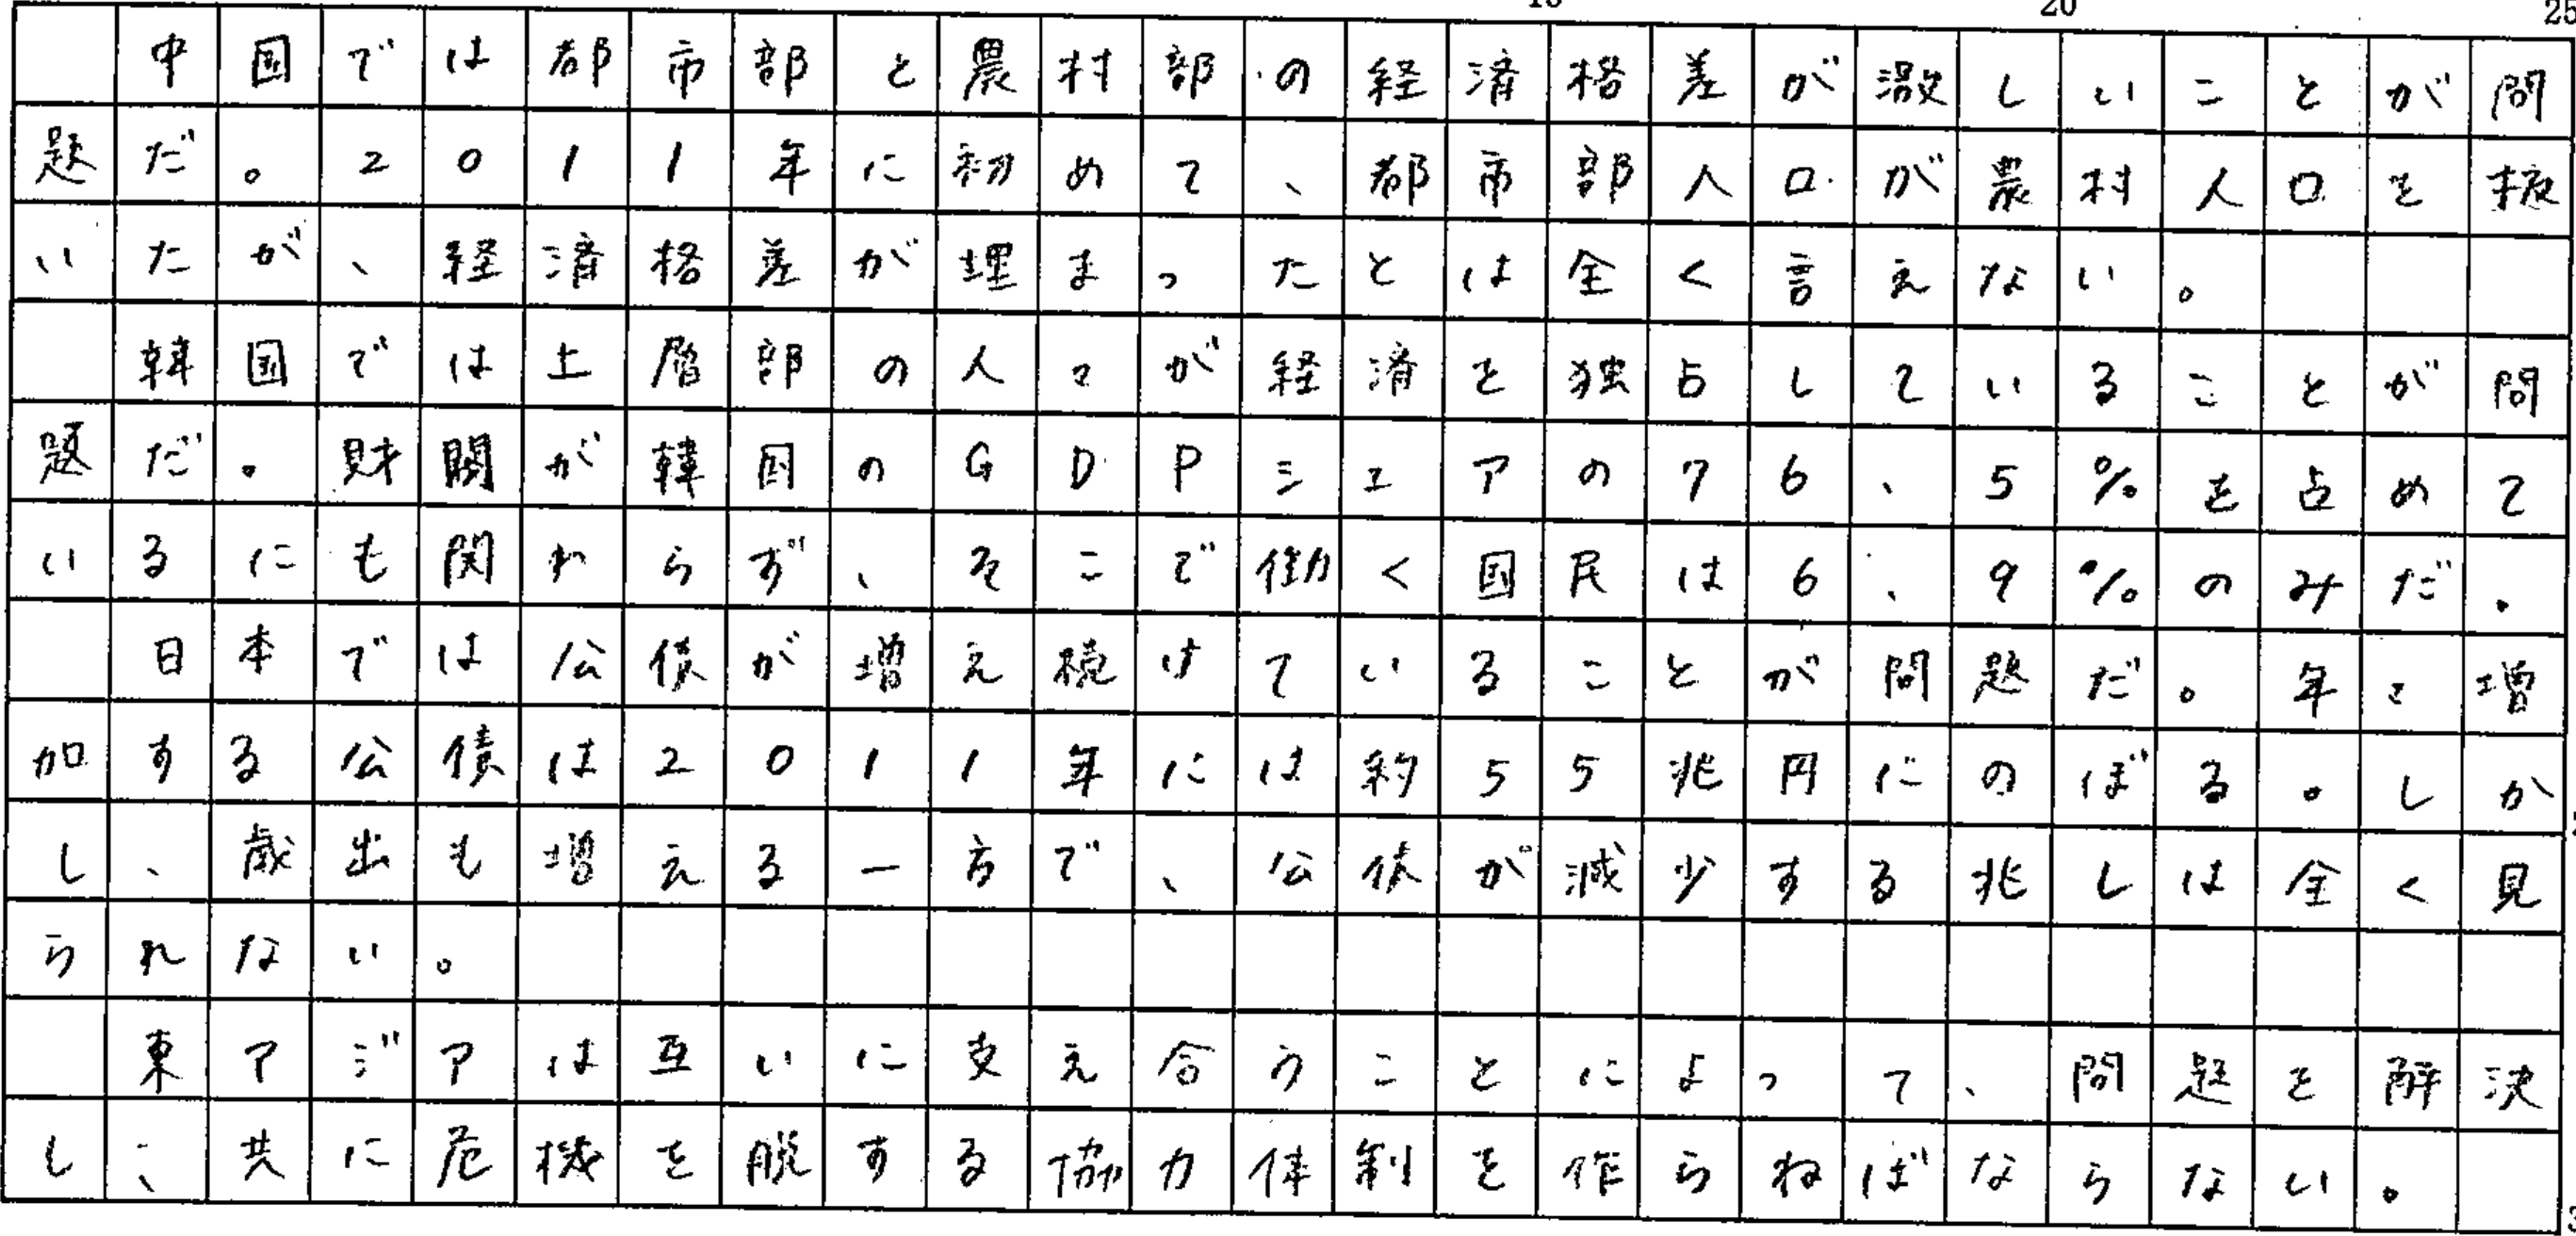　中国では都市部と農村部の経済格差が激しいことが問題だ。２０１１年に初めて、都市部入口が農村人口を抜いたが、経済格差が埋まったとは全く言えない。
　韓国では上層部の人々が経済を独占していることが問題だ。財閥が韓国のＧＤＰシェアの７６．５％を占めているにも関わらず、そこで働く国民は６．９％のみだ。
　日本では公債が増え続けていることが問題だ。年々増加する公債は２０１１年には約５５兆円にのぼる。しかし、歳出も増える一方で、公▁が減少する兆しは全く見られない。
　東アジアは互いに支え合うことによって、問題を解決し、共に危機を脱する協力体制を作らねばならない。
